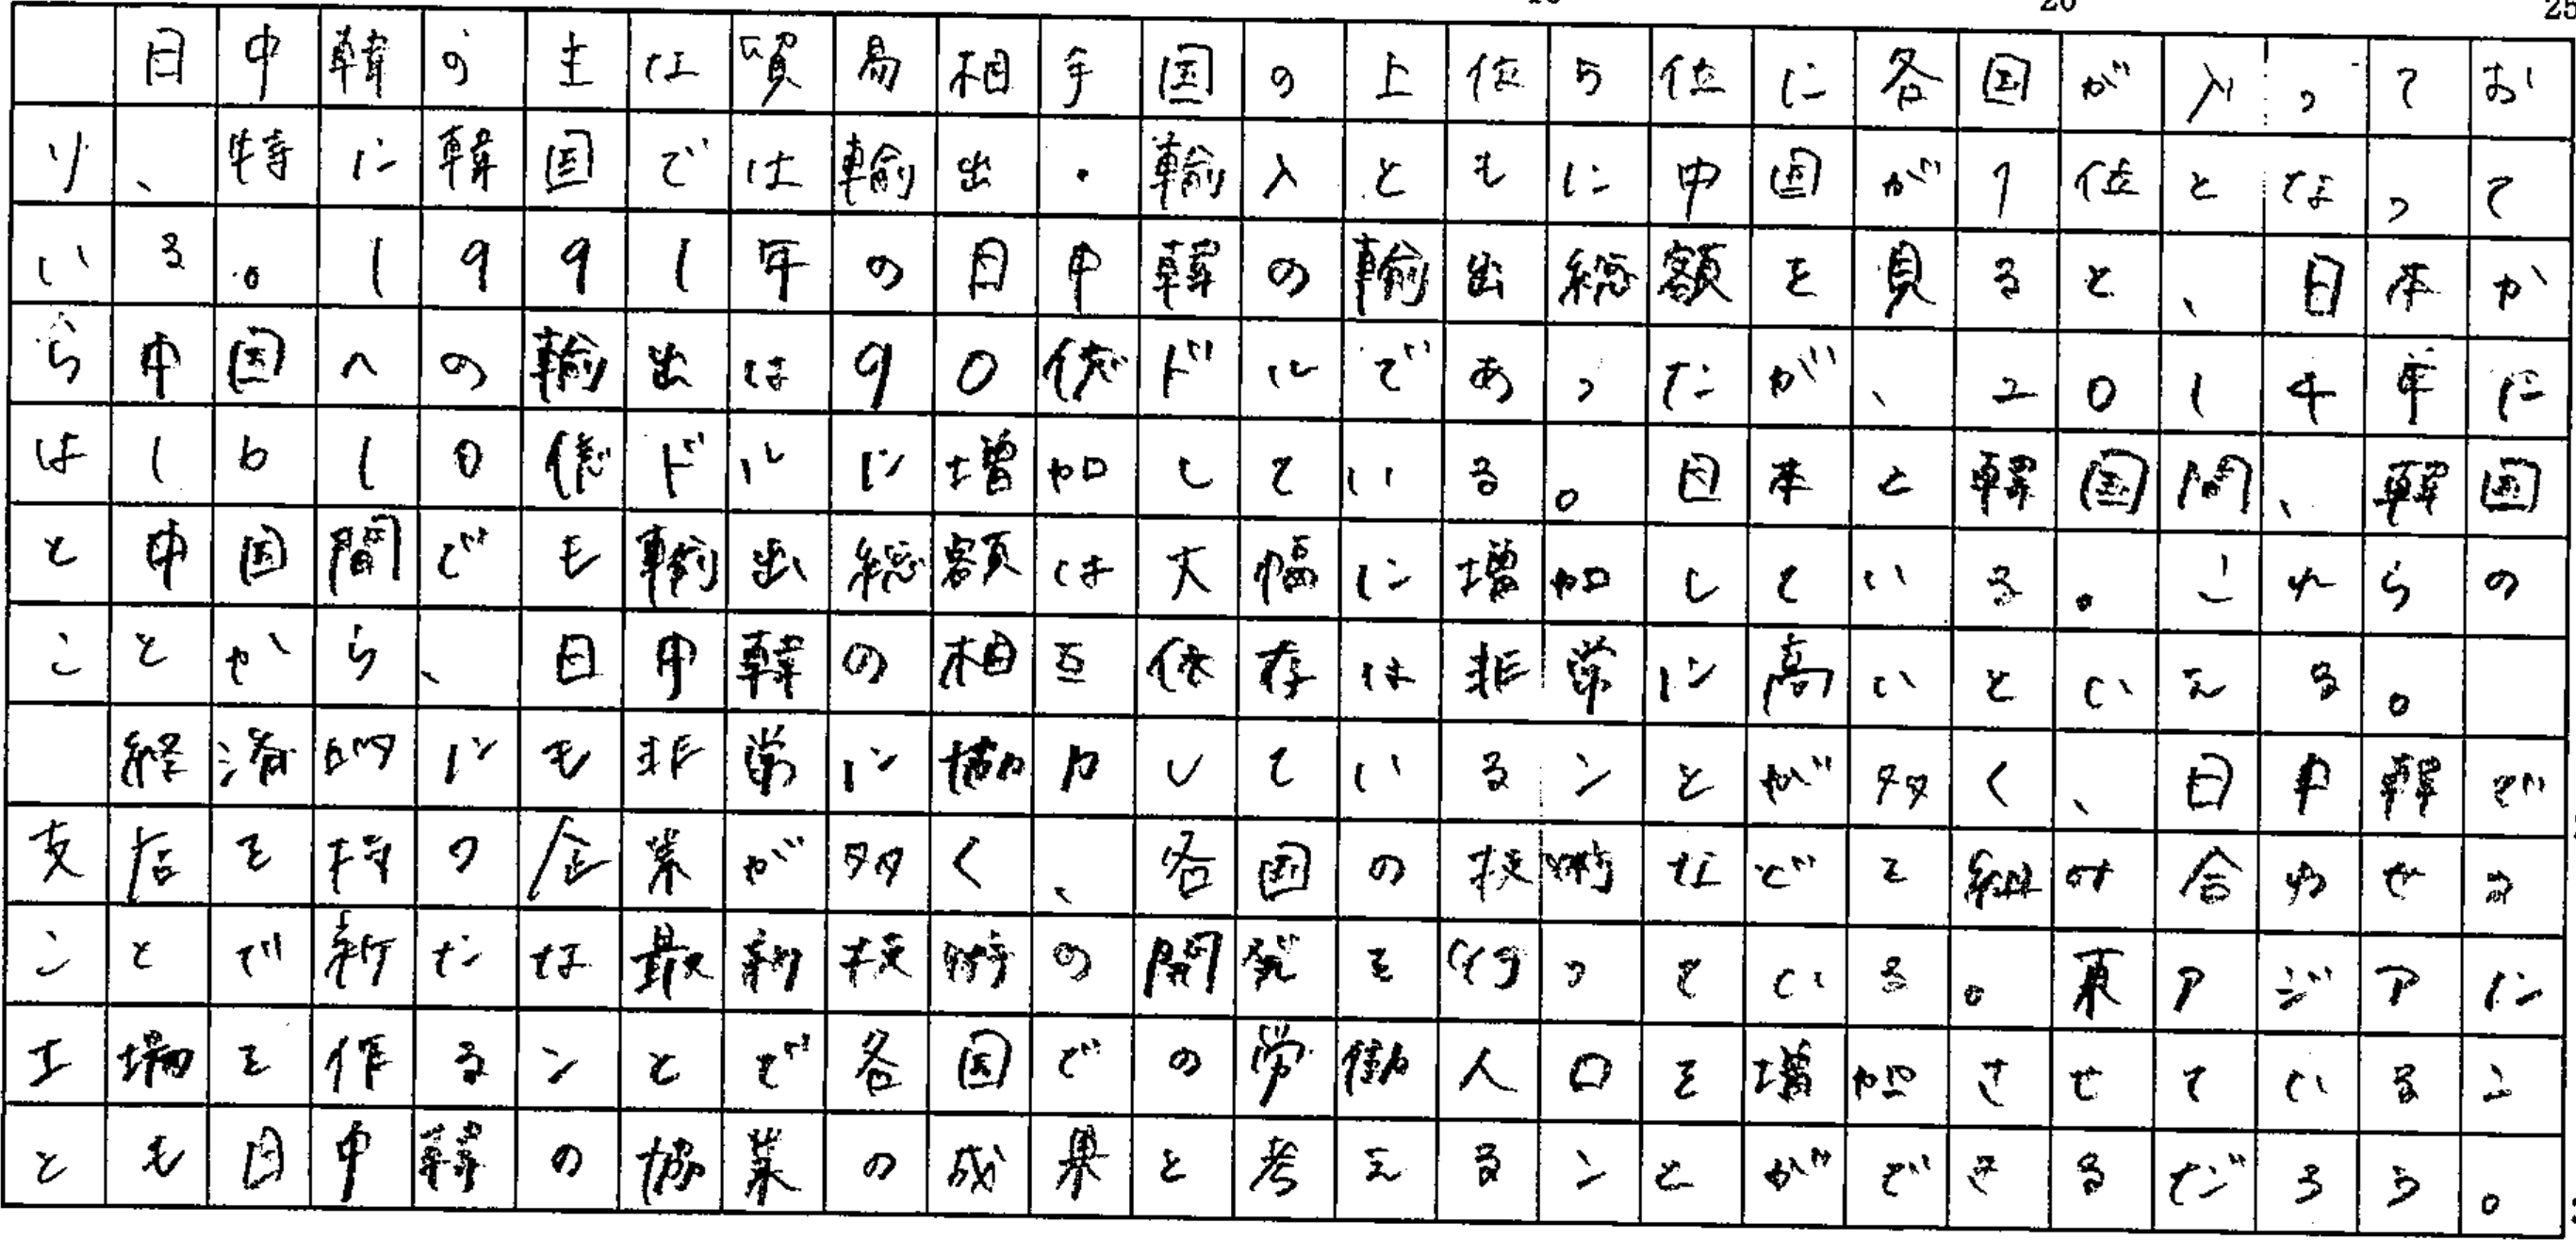　日中韓の主な貿易相手国の上位５位に各国が入っており、特に韓国では輸出・輸入ともに中国が１位となっている。１９９１年の日中韓の輸出総額を見ると、日本から中国への輸出は９０億ドルであったが、２０１４年には１６１０億ドルに増加している。日本と韓国間、韓国と中国間でも輸出総額は大幅に増加している。これらのことから、日中韓の相互依存は非常に高いといえる。
　経済的にも非常に協力していることが多く、日中韓で支店を持つ企業が多く、各国の技術などを組み合わせることで新たな最新技術の開発を行っている。東アジアに工場を作ることで各国での労働人口を増加させていることも日中韓の協業の成果と考えることができるだろう。
